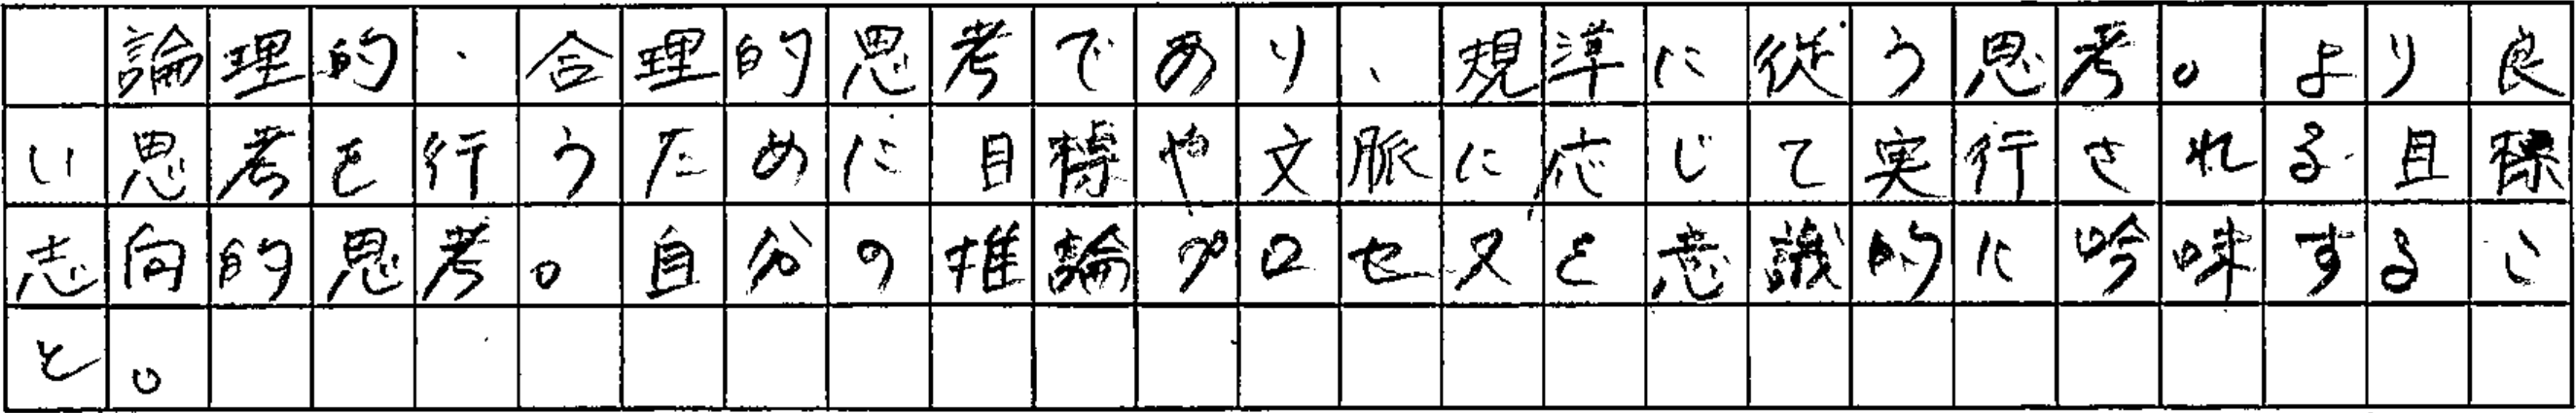　論理的・合理的思考であり、規準に従う思考。より良い思考を行うために目標や文脈に応じて実行される目標志向的思考。自分の推論プロセスを意識的に吟味すること。
